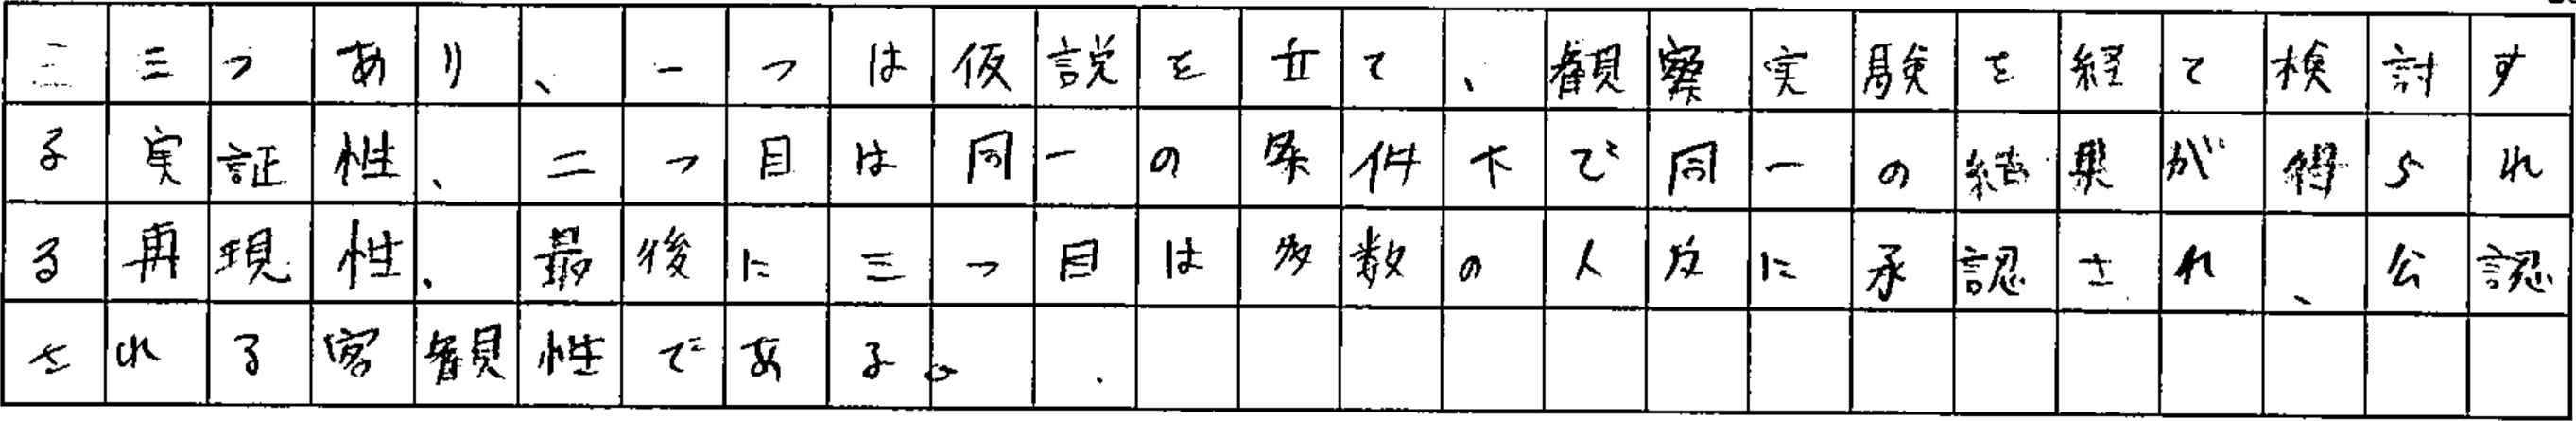　三つあり、一つは仮説を立て、観察実験を経て検討する実証性、二つ目は同一の条件下で同一の結果が得られる再現性、最後に三つ目は多数の人々に承認され、公認される客観性である。
